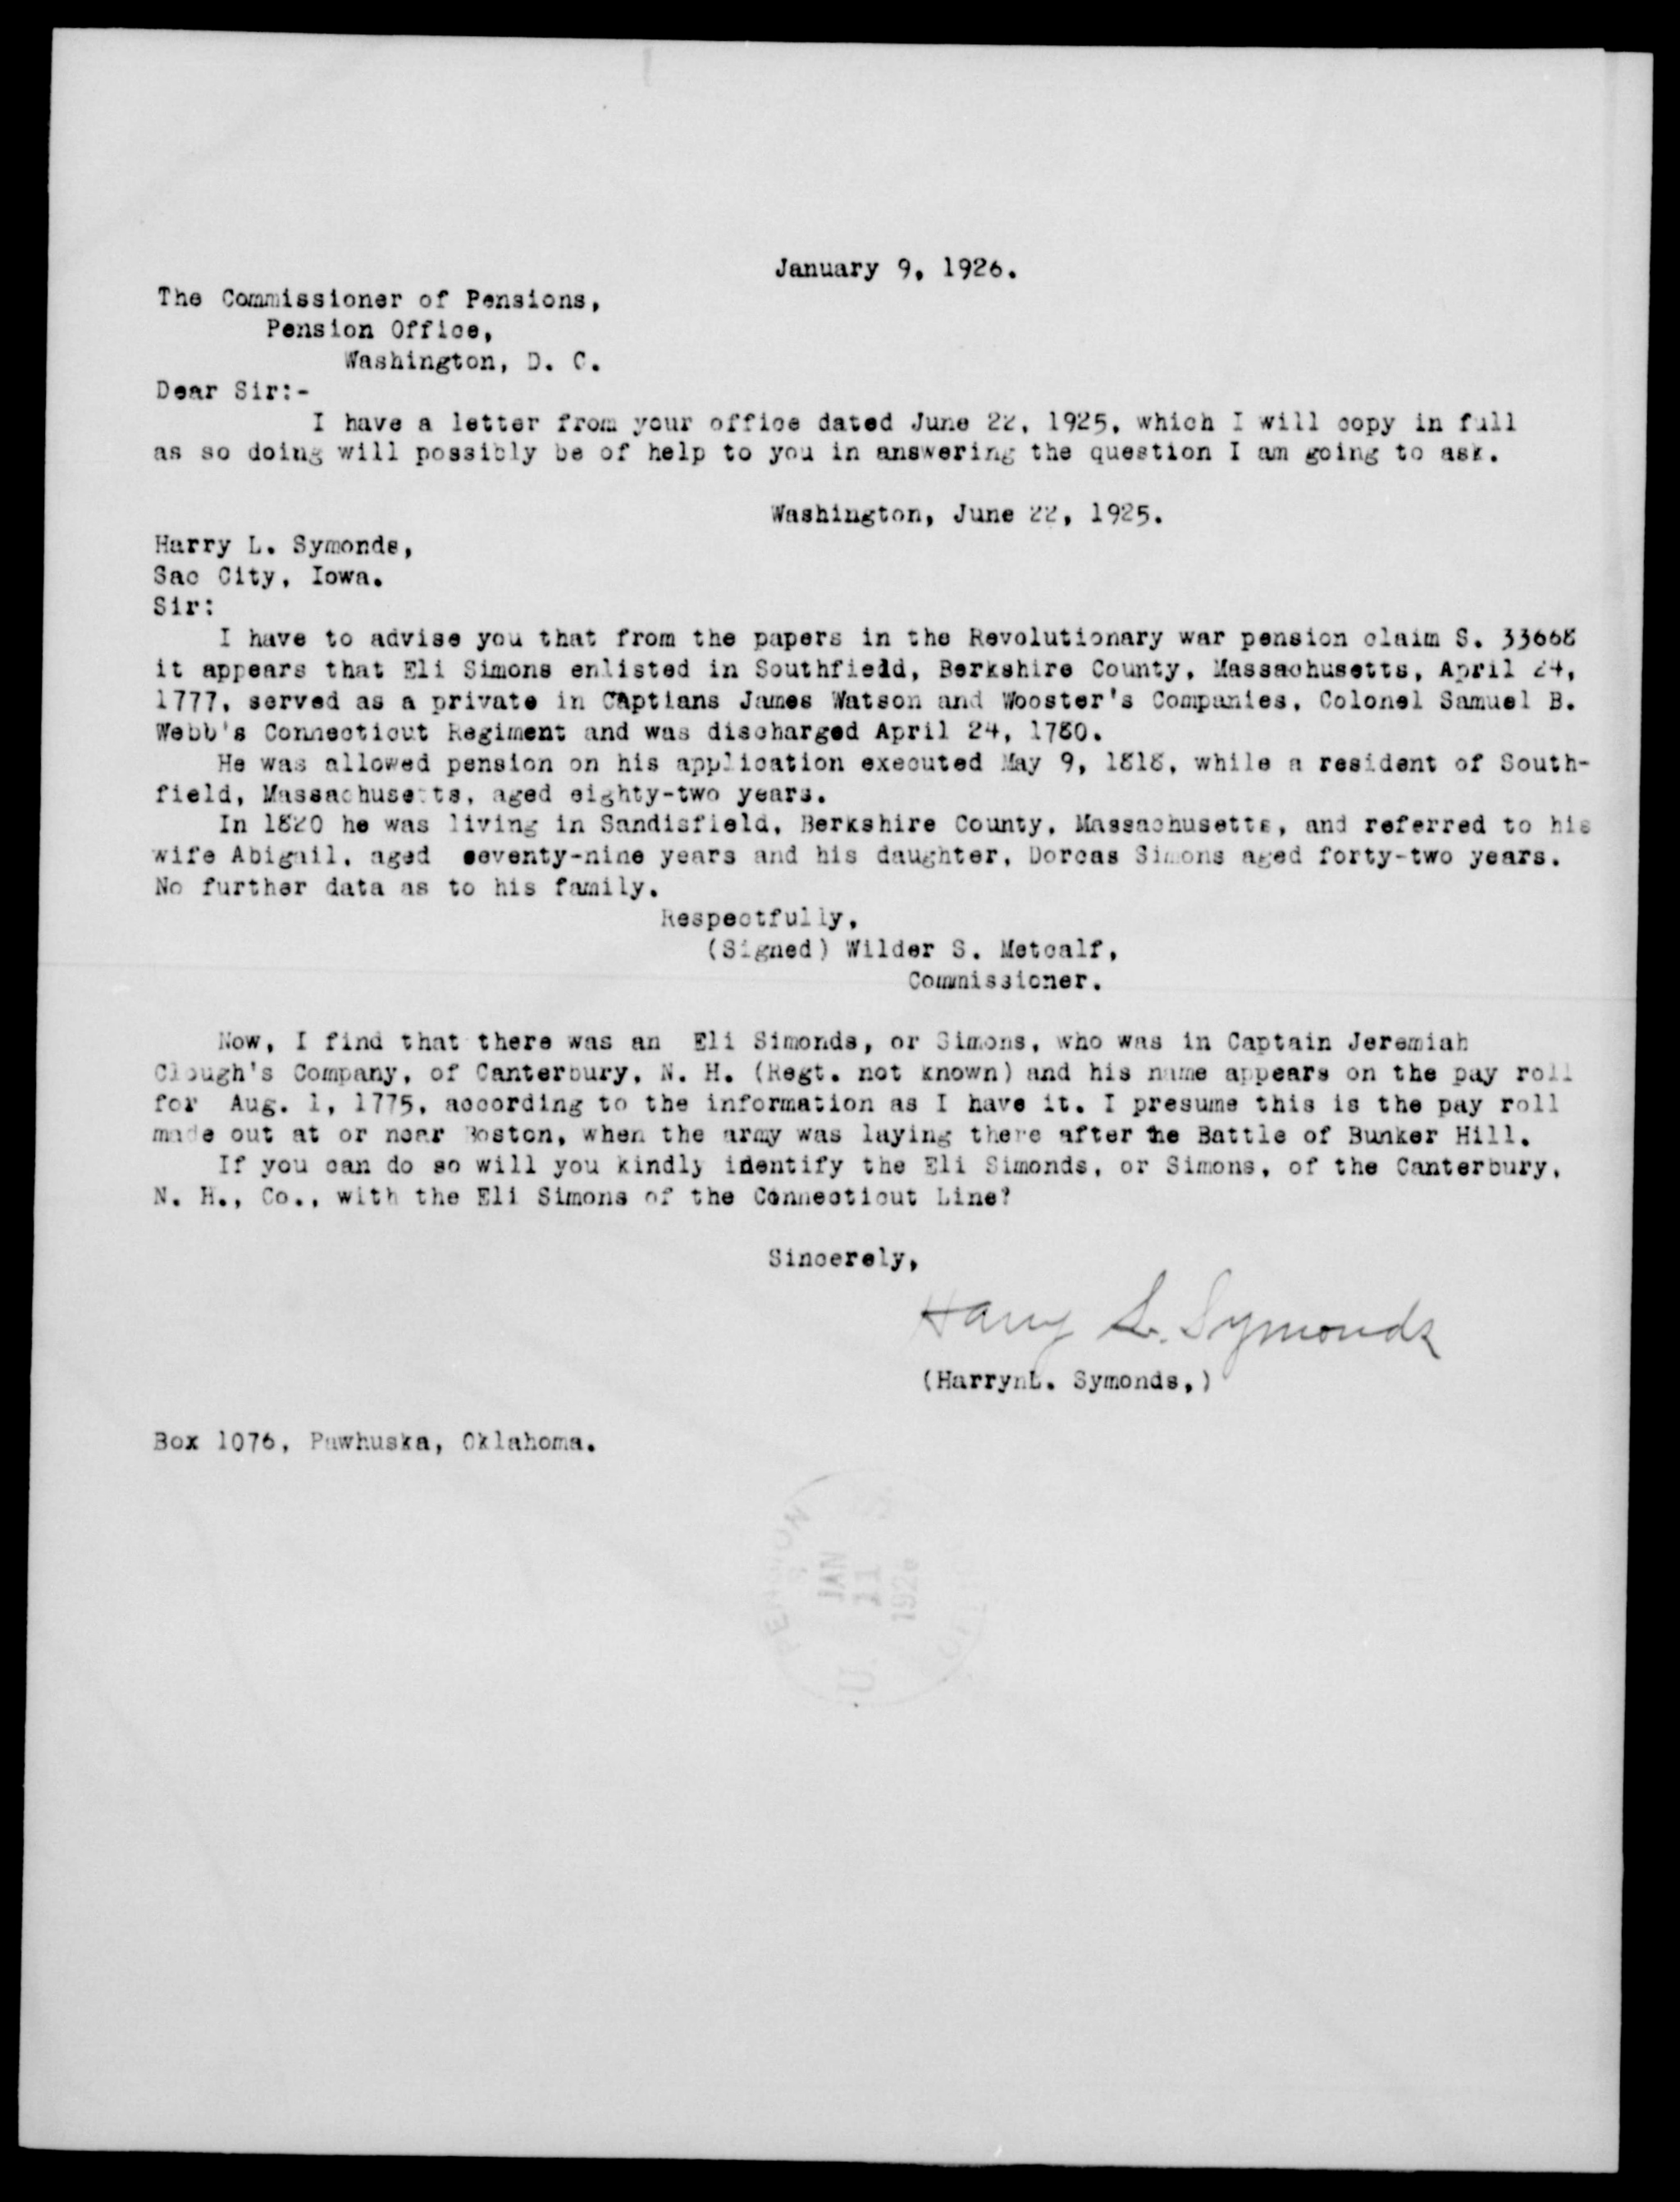January 9, 1926.
The Commissioner of Pensions,
Pension Office,
Washington, D. C.
Dear Sir: -
I have a letter from your office dated June 22, 1925, which I will copy in full as so doing will possibly be of help to you in answering the question I am going to ask.

Washington, June 22, 1925.
Harry L. Symonds,
Sac City, Iowa.
Sir:
I have to advise you that from the papers in the Revolutionary war pension claim S. 33668 it appears that Eli Simons enlisted in Southfield, Berkshire County, Massachusetts, April 24, 1777, served as a private in Captians James Watson and Wooster's Companies, Colonel Samuel B. Webb's Connecticut Regiment and was discharged April 24, 1780.
He was allowed pension on his application executed May 9, 1818, while a resident of Southfield, Massachusetts, aged eighty-two years.
In 1820 he was living in Sandisfield, Berkshire County, Massachusetts, and referred to his wife Abigail, aged seventy-nine years and his daughter, Dorcas Simons aged forty-two years. No further data as to his family.
Respectfully,
(Signed) Wilder S. Metcalf,
Commissioner.

Now, I find that there was an Eli Simonds, or Simons, who was in Captain Jeremiah Clough's company, of Canterbury, N.H. (Regt. not known) and his name appears on the pay roll for Aug. 1, 1775, according to the information as I have it. I presume this is the pay roll made out at or near Boston, when the army was laying there after the Battle of Bunker Hill.
If you can do so will you kindly identify the Eli Simonds, or Simons, of the Canterbury, N.H., Co., with the Eli Simons of the Connecticut Line?
Sincerely,
Harry S. Symonds [signature]
(Harry L. Symonds,)
Box 1076, Pawhuska, Oklahoma.

[circle stamp] U.S. Pension Office S Jan 11 1926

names: Eli Simons; Harry L Symonds; Eli Simonds; Wilder S Metcalf; Eli Simonds; Eli Simons; Dorcas Simons; Abigail [BLANK]; Harry L Symonds; Eli Simons; Eli Simons; Harry L Symonds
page: 17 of 20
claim: survivor's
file: S 33668, for Eli Simons, Connecticut